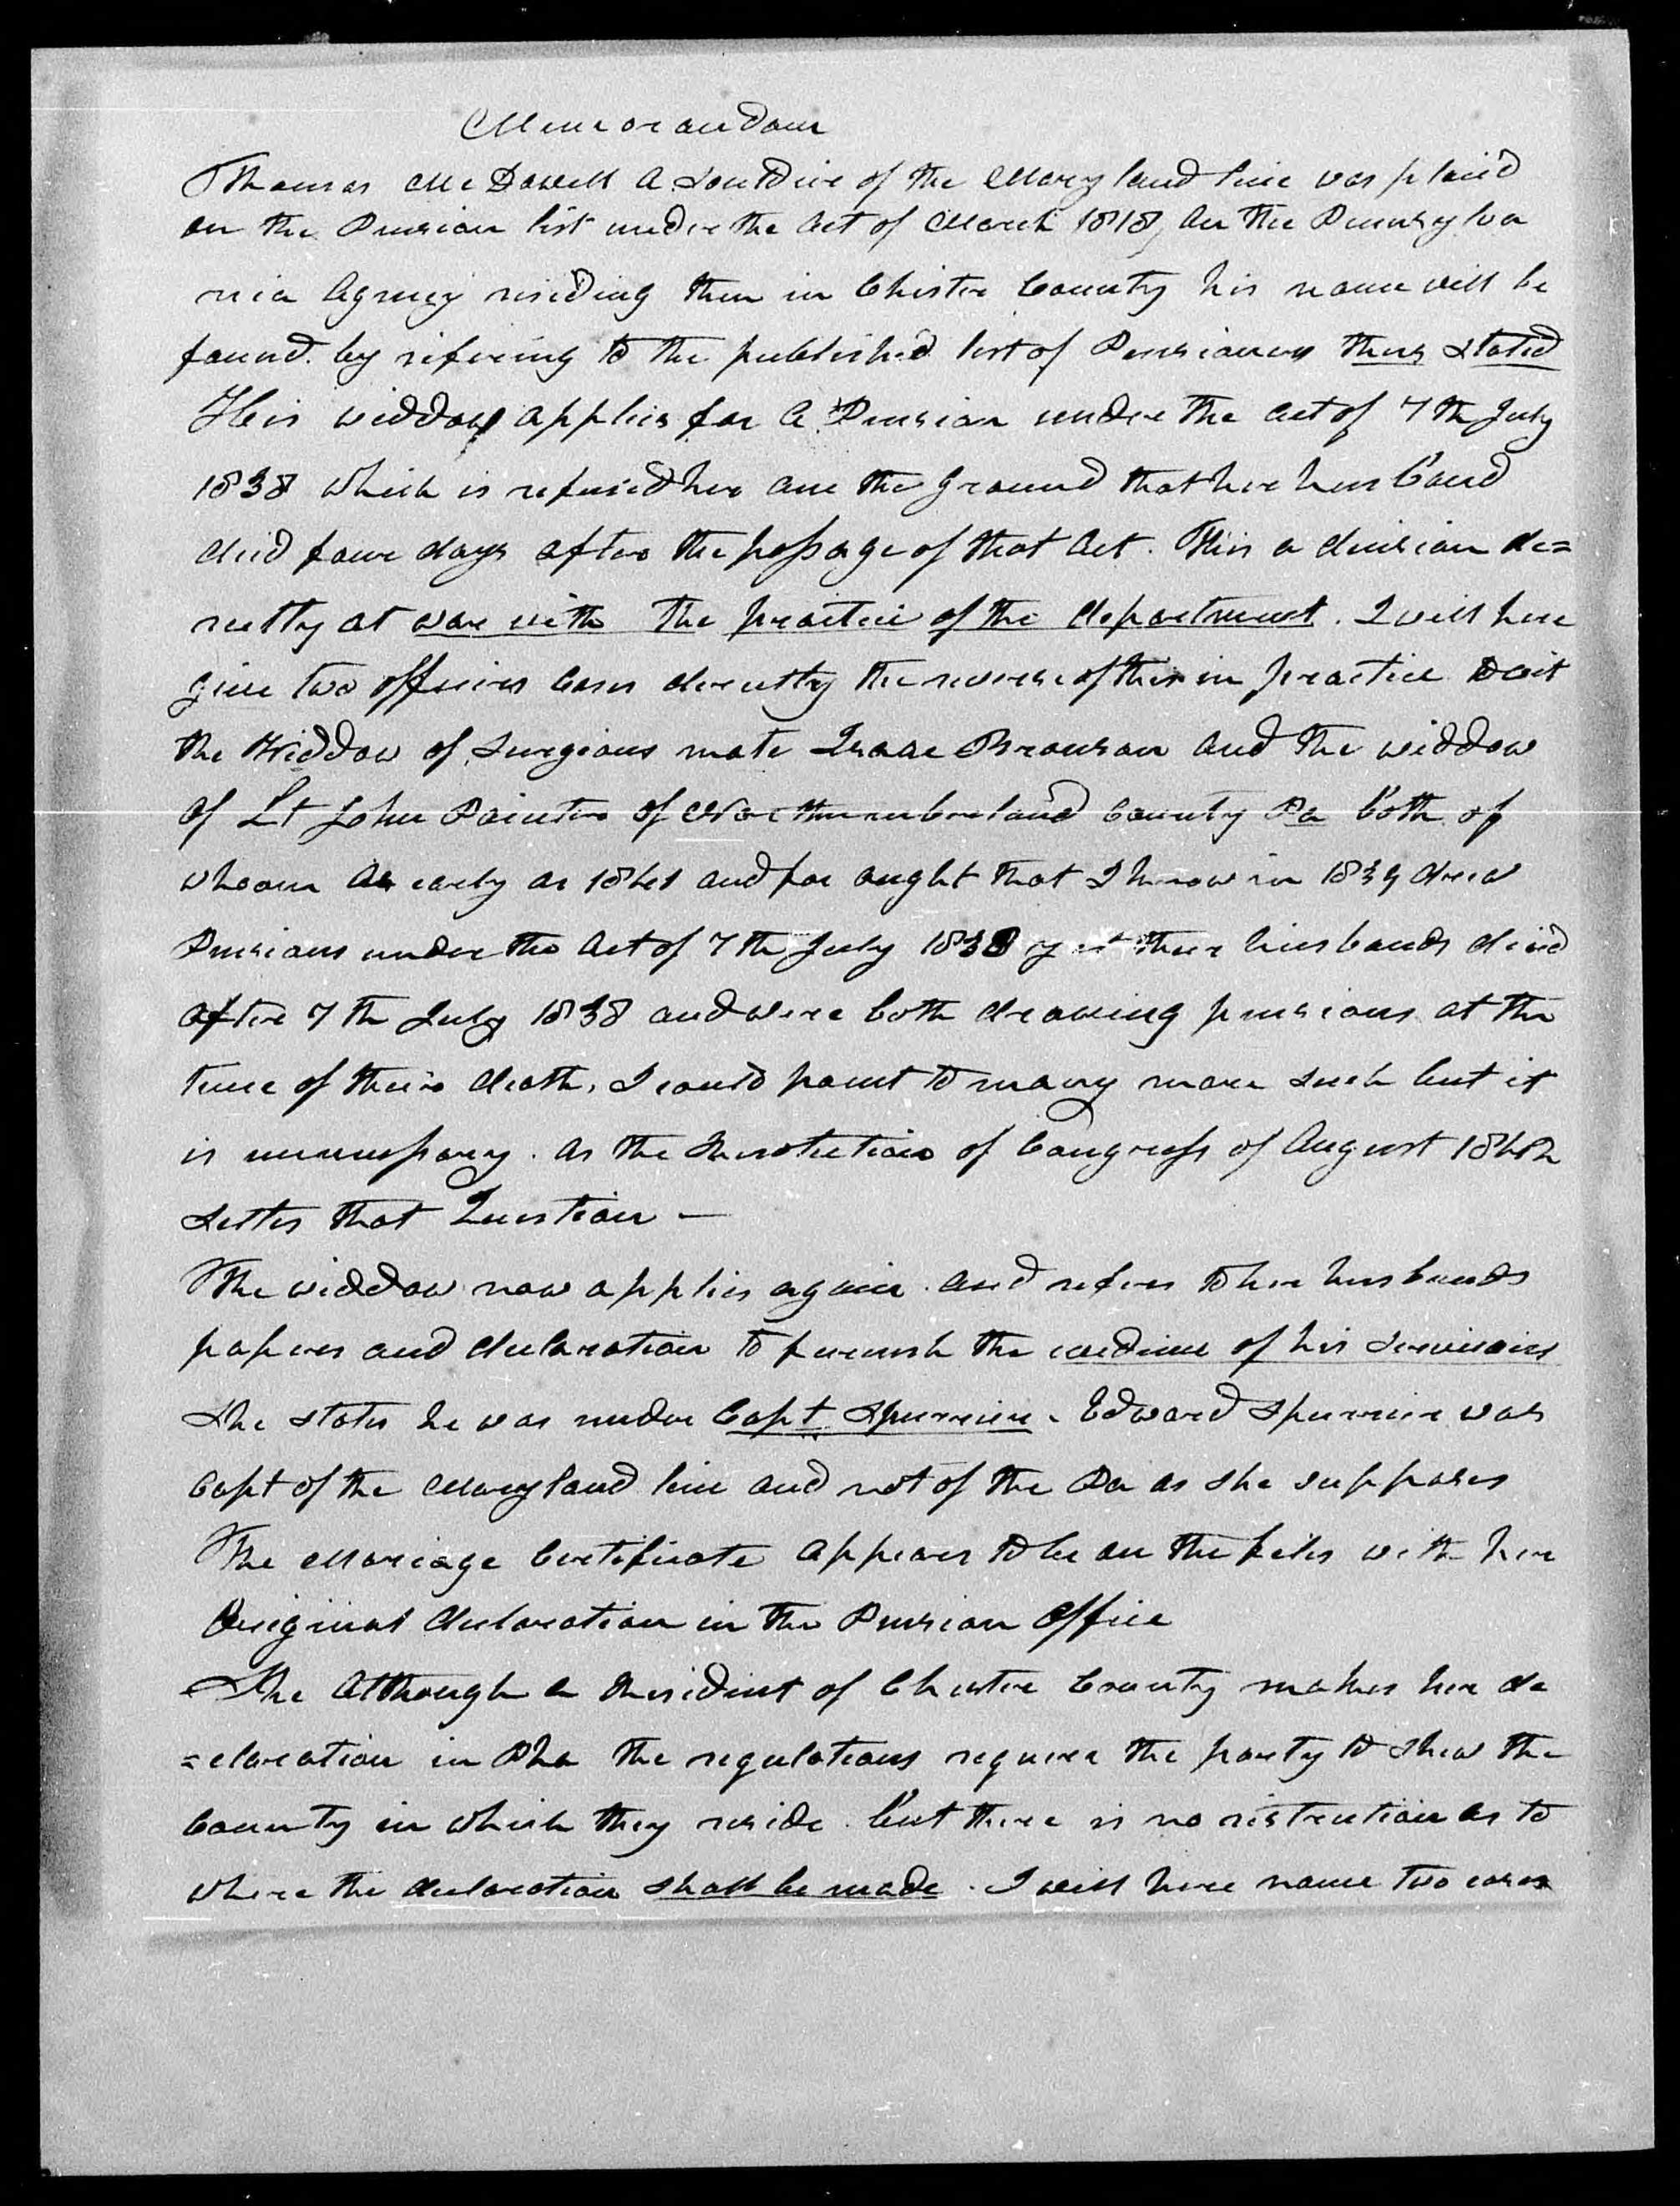Memorandum

Thomas McDowell a soldier of the Maryland line was placed on the Pension list under the Act of March 1818, on the Pennsylvania Agency residing then in Chester County his name will be found by referring to the published list of Pensioners thus stated  His widdow applies for a Pension under the act of 7th July 1838 which is refused her on the ground that her husband died four days after the passage of that act.  This is a decision directly at war with the practice of the department.  I will give here two official cases directly the reverse of this in practice.  To wit, the Widdow of Surgeons mate Isaac Brauson and the widdow of Lt John Painter of Northumberland County Pa both of whom as early as 1841 and for ought that I know in 1839 drew pensions under the Act of July 1838 yet there husbands died after 7th July 1838 and were both drawing pensions at the time of their death.  I could point to many more such but it is unnecessary as the Instruction of Congress of August 1842 deletes that question -
The widdow now applies again and refers to her husbands papers and declaration to furnish the evidence of his services. She states he was under Capt. Spurrier.  Edward spurrier was Capt of the Maryland line and not of the Pa as she supposes.  The marriage certificate appears to be on the files with her original declaration in the Pension office
She although a resident of Chester County makes her declaration in Pha  The regulations require the party to show the County in which they reside, but there is no restriction as to where the declaration shall be made.  I will here name two cases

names: Thomas Mc Dowell; Edward Spurrier; Isaac Brauson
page: 41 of 63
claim: widow's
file: W 2957, for Thomas Mc Dowell, Maryland